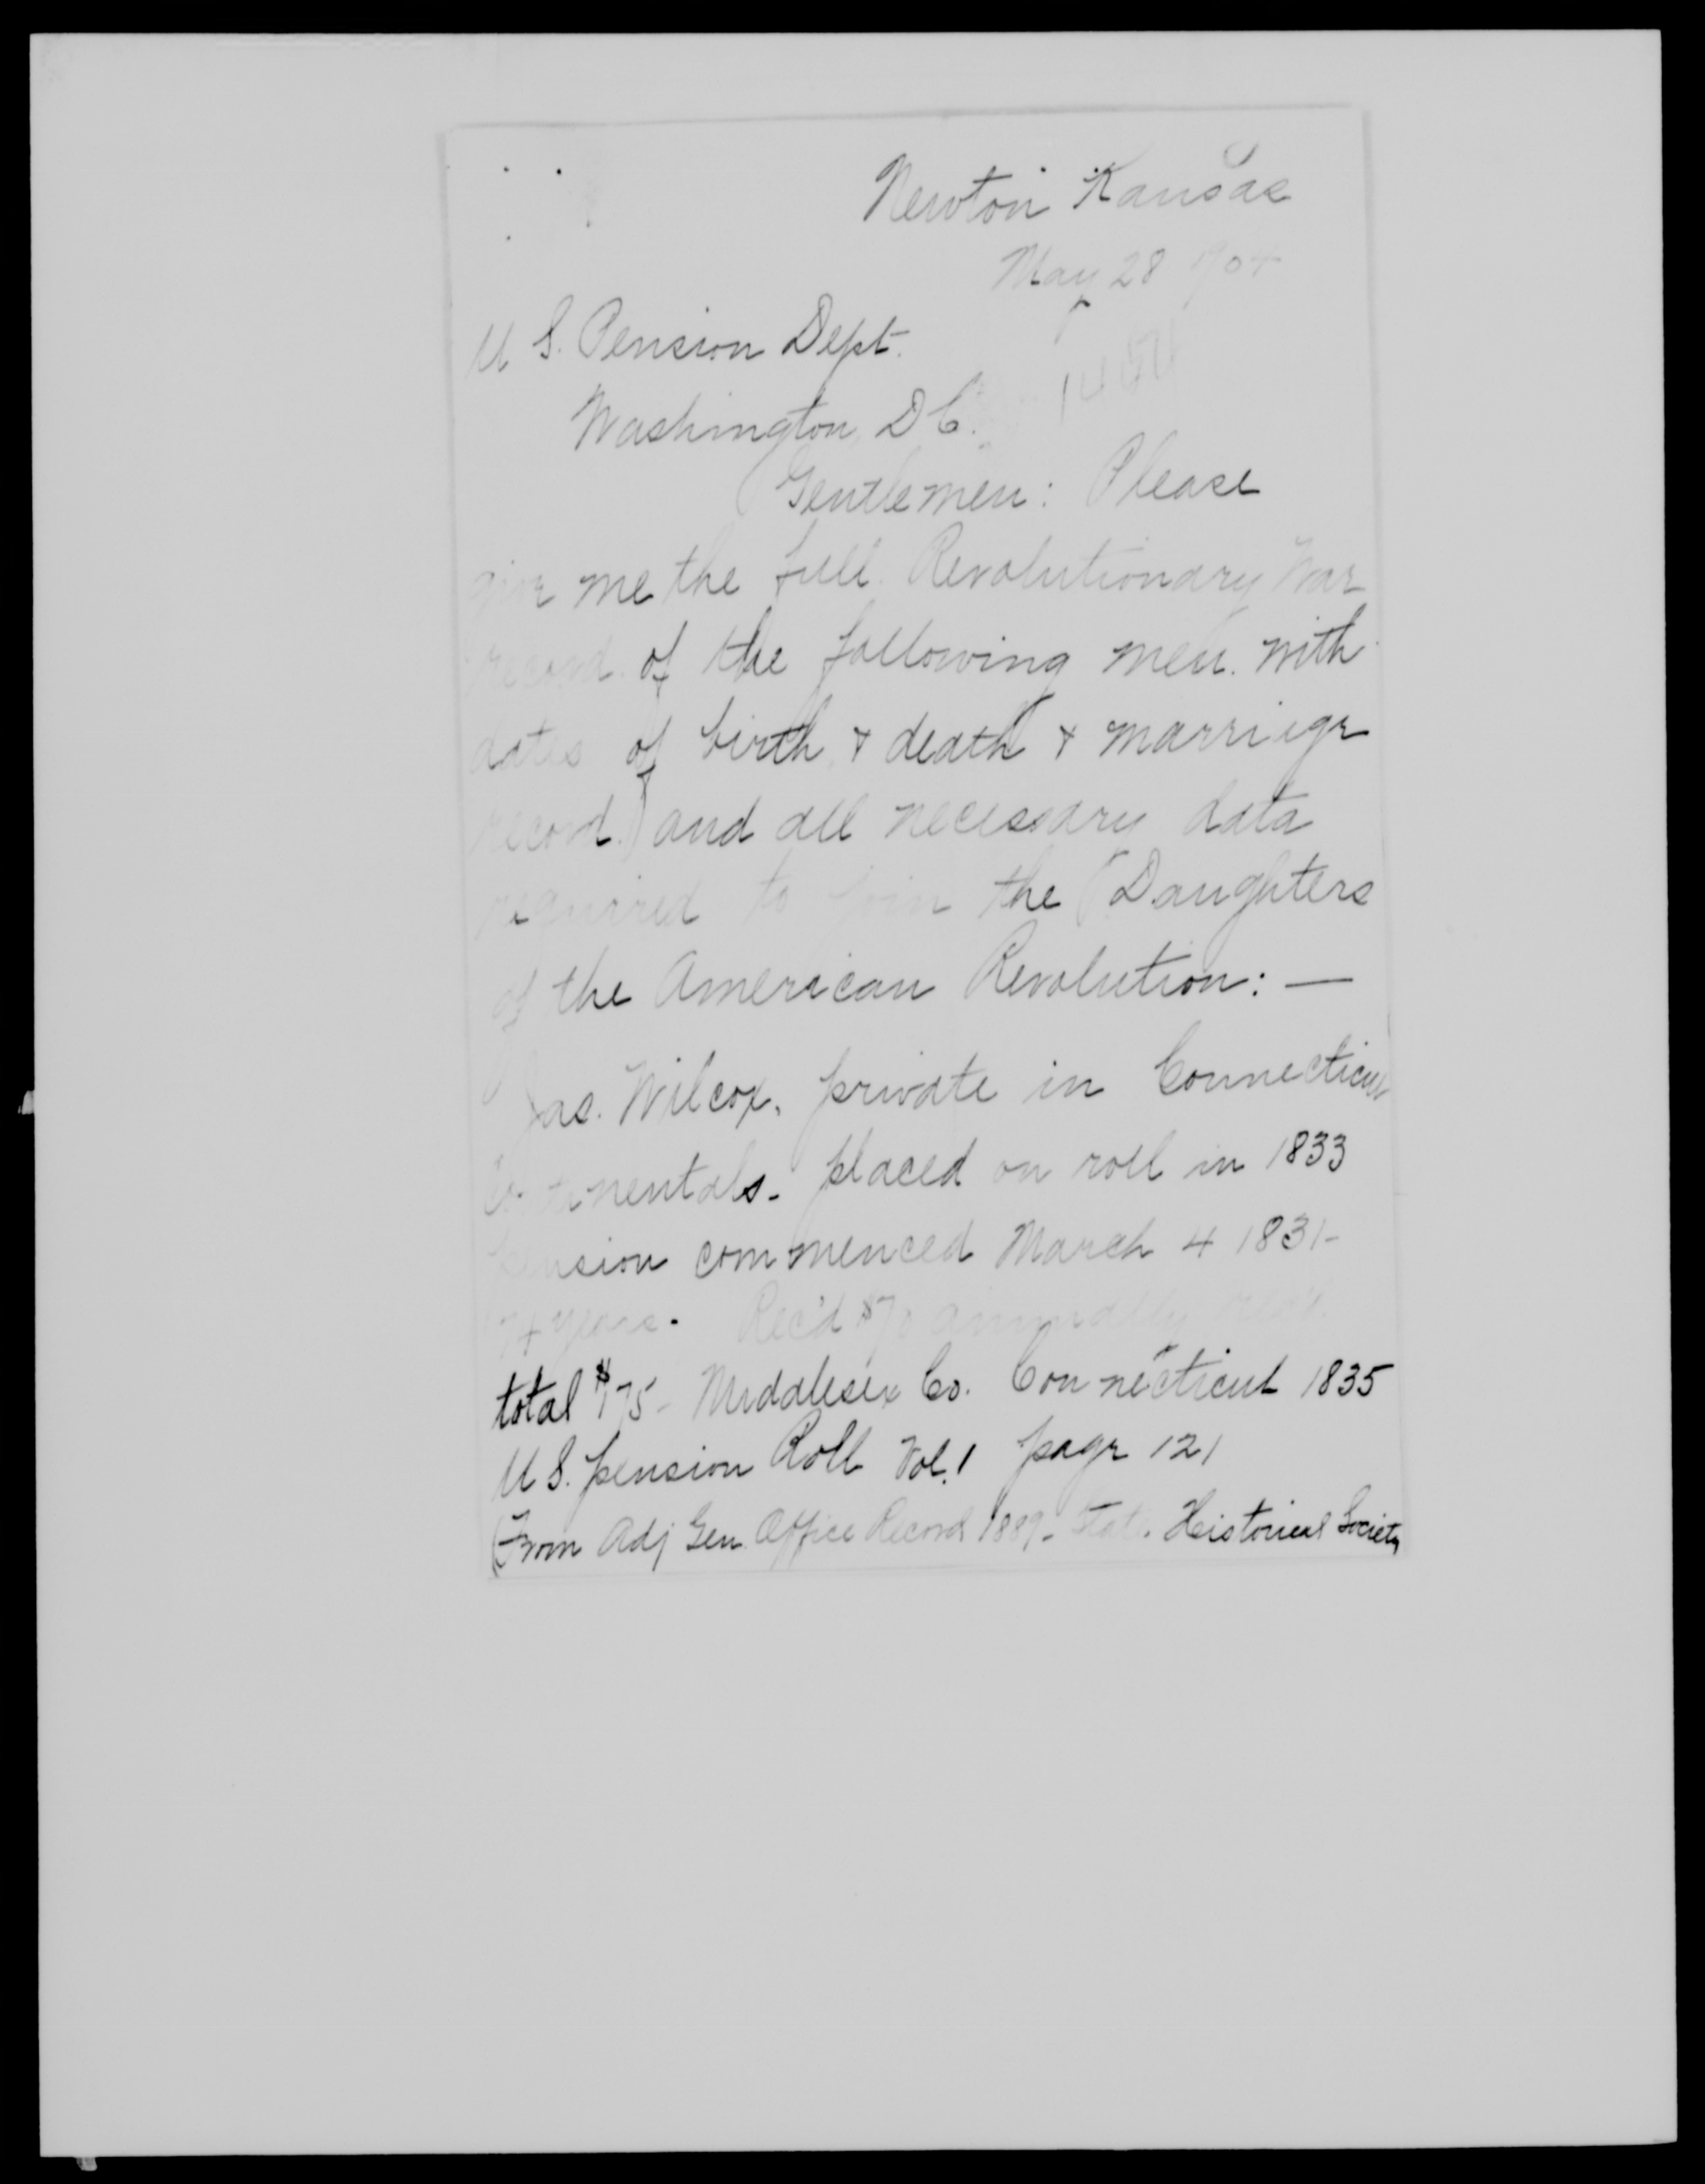Newton Kansas
May 28 1904
U. S. Penson Dept
Washington, DC
Gentlemen: Please give me the full Revolutionary War record of the following men with dates of birth & death & marriage record and all necessary data required to join  the Daughters of the American Revolution:— Jas. Wilcox, private in Connecticut Contenentals, placed on the roll in 1833 pension commenced March 4 1831–74 years. Rec’d $70 annually rec’d total $175–Middlesex Co. Connecticut 1835 US. Pension Roll Vol. 1 page 121 (From Adj Gen Office Record 1889. State. Historical Society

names: Jas Wilcox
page: 39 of 46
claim: widow's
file: W. 18,417, James Willcox, Conn.